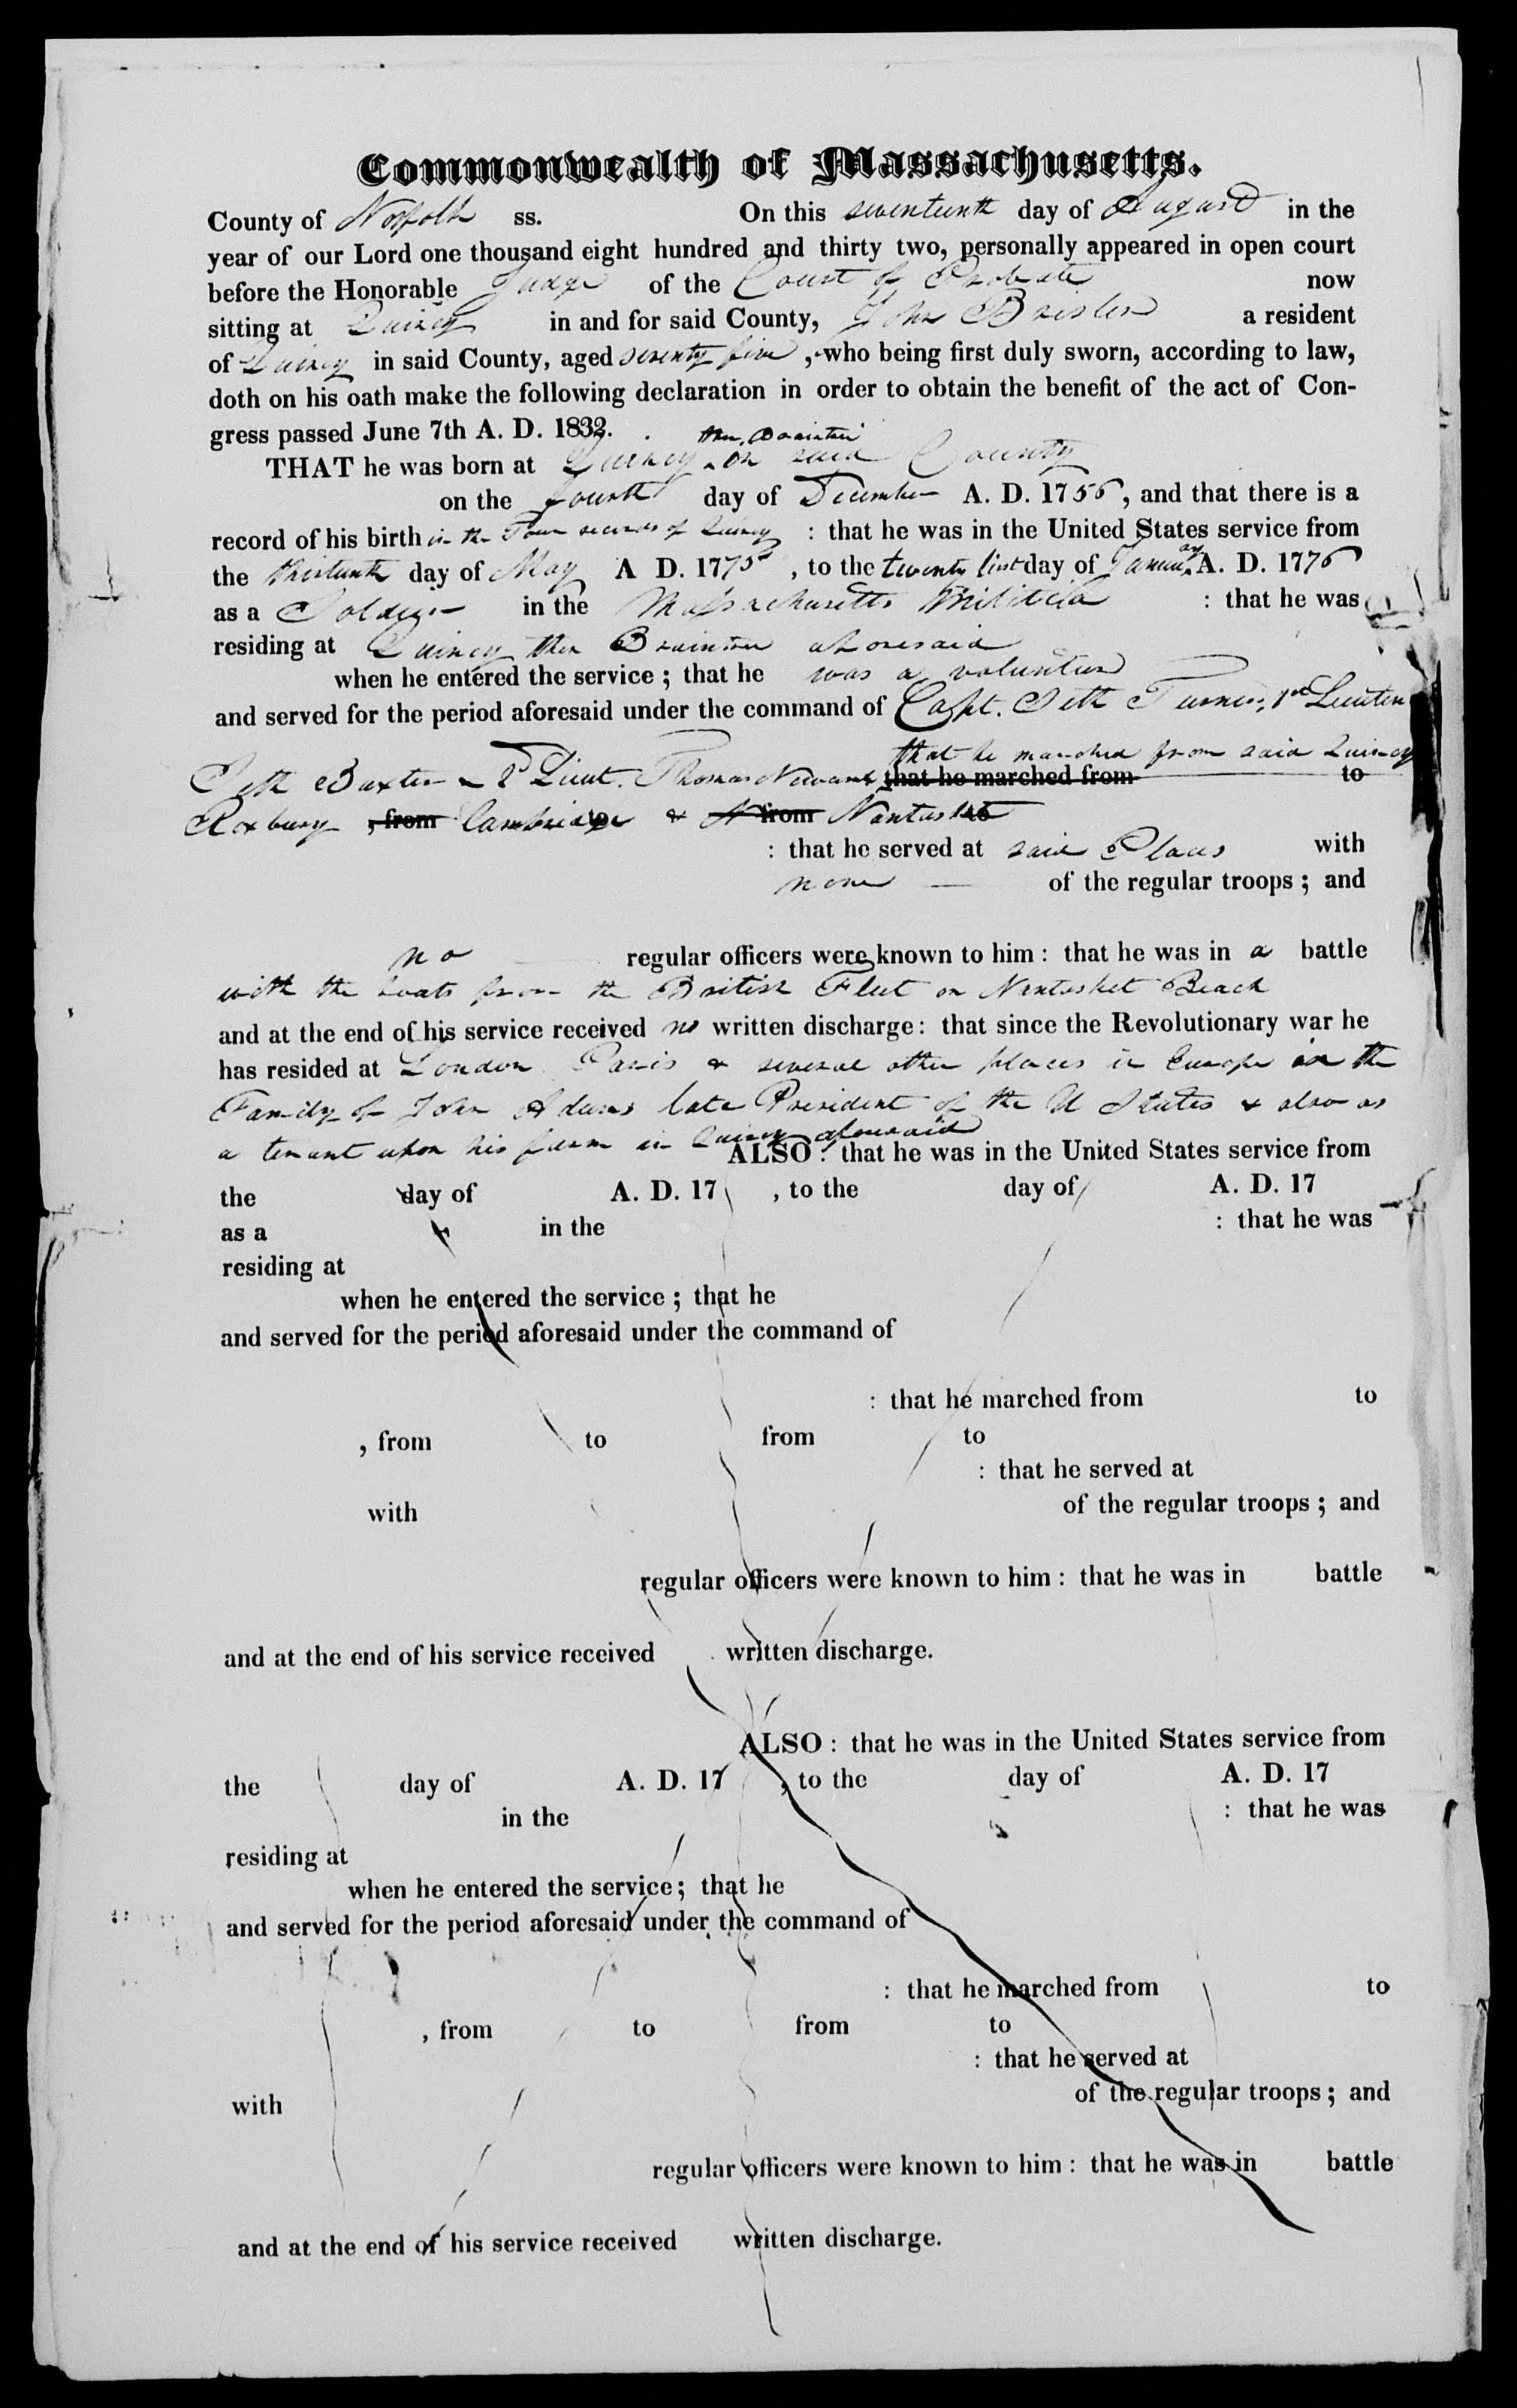Commonwealth of Massachusetts
County of Norfolk ss.
On this seventeenth day of August in the
year of our Lord one thousand eight hundred and thirty two, personally appeared in open court before the Honorable Judge of the Court of Probate now sitting at Quincy
in and for said County, John Brisler
a resident of Quincy in said County, aged seventy five, who being first duly sworn, according to law, doth on his oath make the following declaration in order to obtain the benefit of the act of Congress passed June 7th A.D. 1832 THAT he was born at Quincy , then Braintree, of said County on the fourth day of December A.D. 1755, and that there is a record of his birth in the town records of living; that he was in the United States service from the thirteenth date of May A.D. 1775, to the twenty first day of January A.D. 1776 as a soldier in the Massachusetts Militia; that he was resident at Quincy  then Braintree aforesaid  when he entered the service; that he was a volunteer and served for the period aforesaid under the command of Capt. Seth Turner Sec Lieutenant with [illegible] Baxter & Lieut. Thomas & recounts that he marched from said Quincy to Roxbury, Cambridge & Nantucket; that he served at said places with some of the regular troops; and no regular officers were known to him; that he was in a battle with the boats from the British Fleet on Nantucket Beach and at the end of his service received no written discharge: that since the Revolutionary war he has resided at London  Paris & several other places in Europe in the Family of John Adams late President of the U States & also as a tenant upon his [illegible] in Quincy aforesaid. 


ALSO that he was in the United States service from
the
day of
A. D. 17 to the
day of
A. D. 17
as a
in the
residing at
when he entered the service; that he
and served for the period aforesaid under the command of
with
and at the end of his service received
from
that he was
10
that he served at
of the regular troops; and
regular officers were known to him: that he was in battle and at the end of his service received written discharge. 
ALSO:  that he was in the Untied States service from the day  of 
A. D. 17
to the
day of
A. D. 17
ALSO: that he was in the United States service from
the
residing at
when he entered the service; that he
and served for the period aforesaid under the command of 
with
from
to
from
that he marched from
to
that he served at
that he was
of the regular troops; and
regular officers were known to him: that he was in
and at the end of his service received
written discharge.
battle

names: John Adams, John Baister, Thomas Newcomb, Seth Turner, Seth Baxter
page: 13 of 46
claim: widow's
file: W. 23,673, John Brisler, Mass.